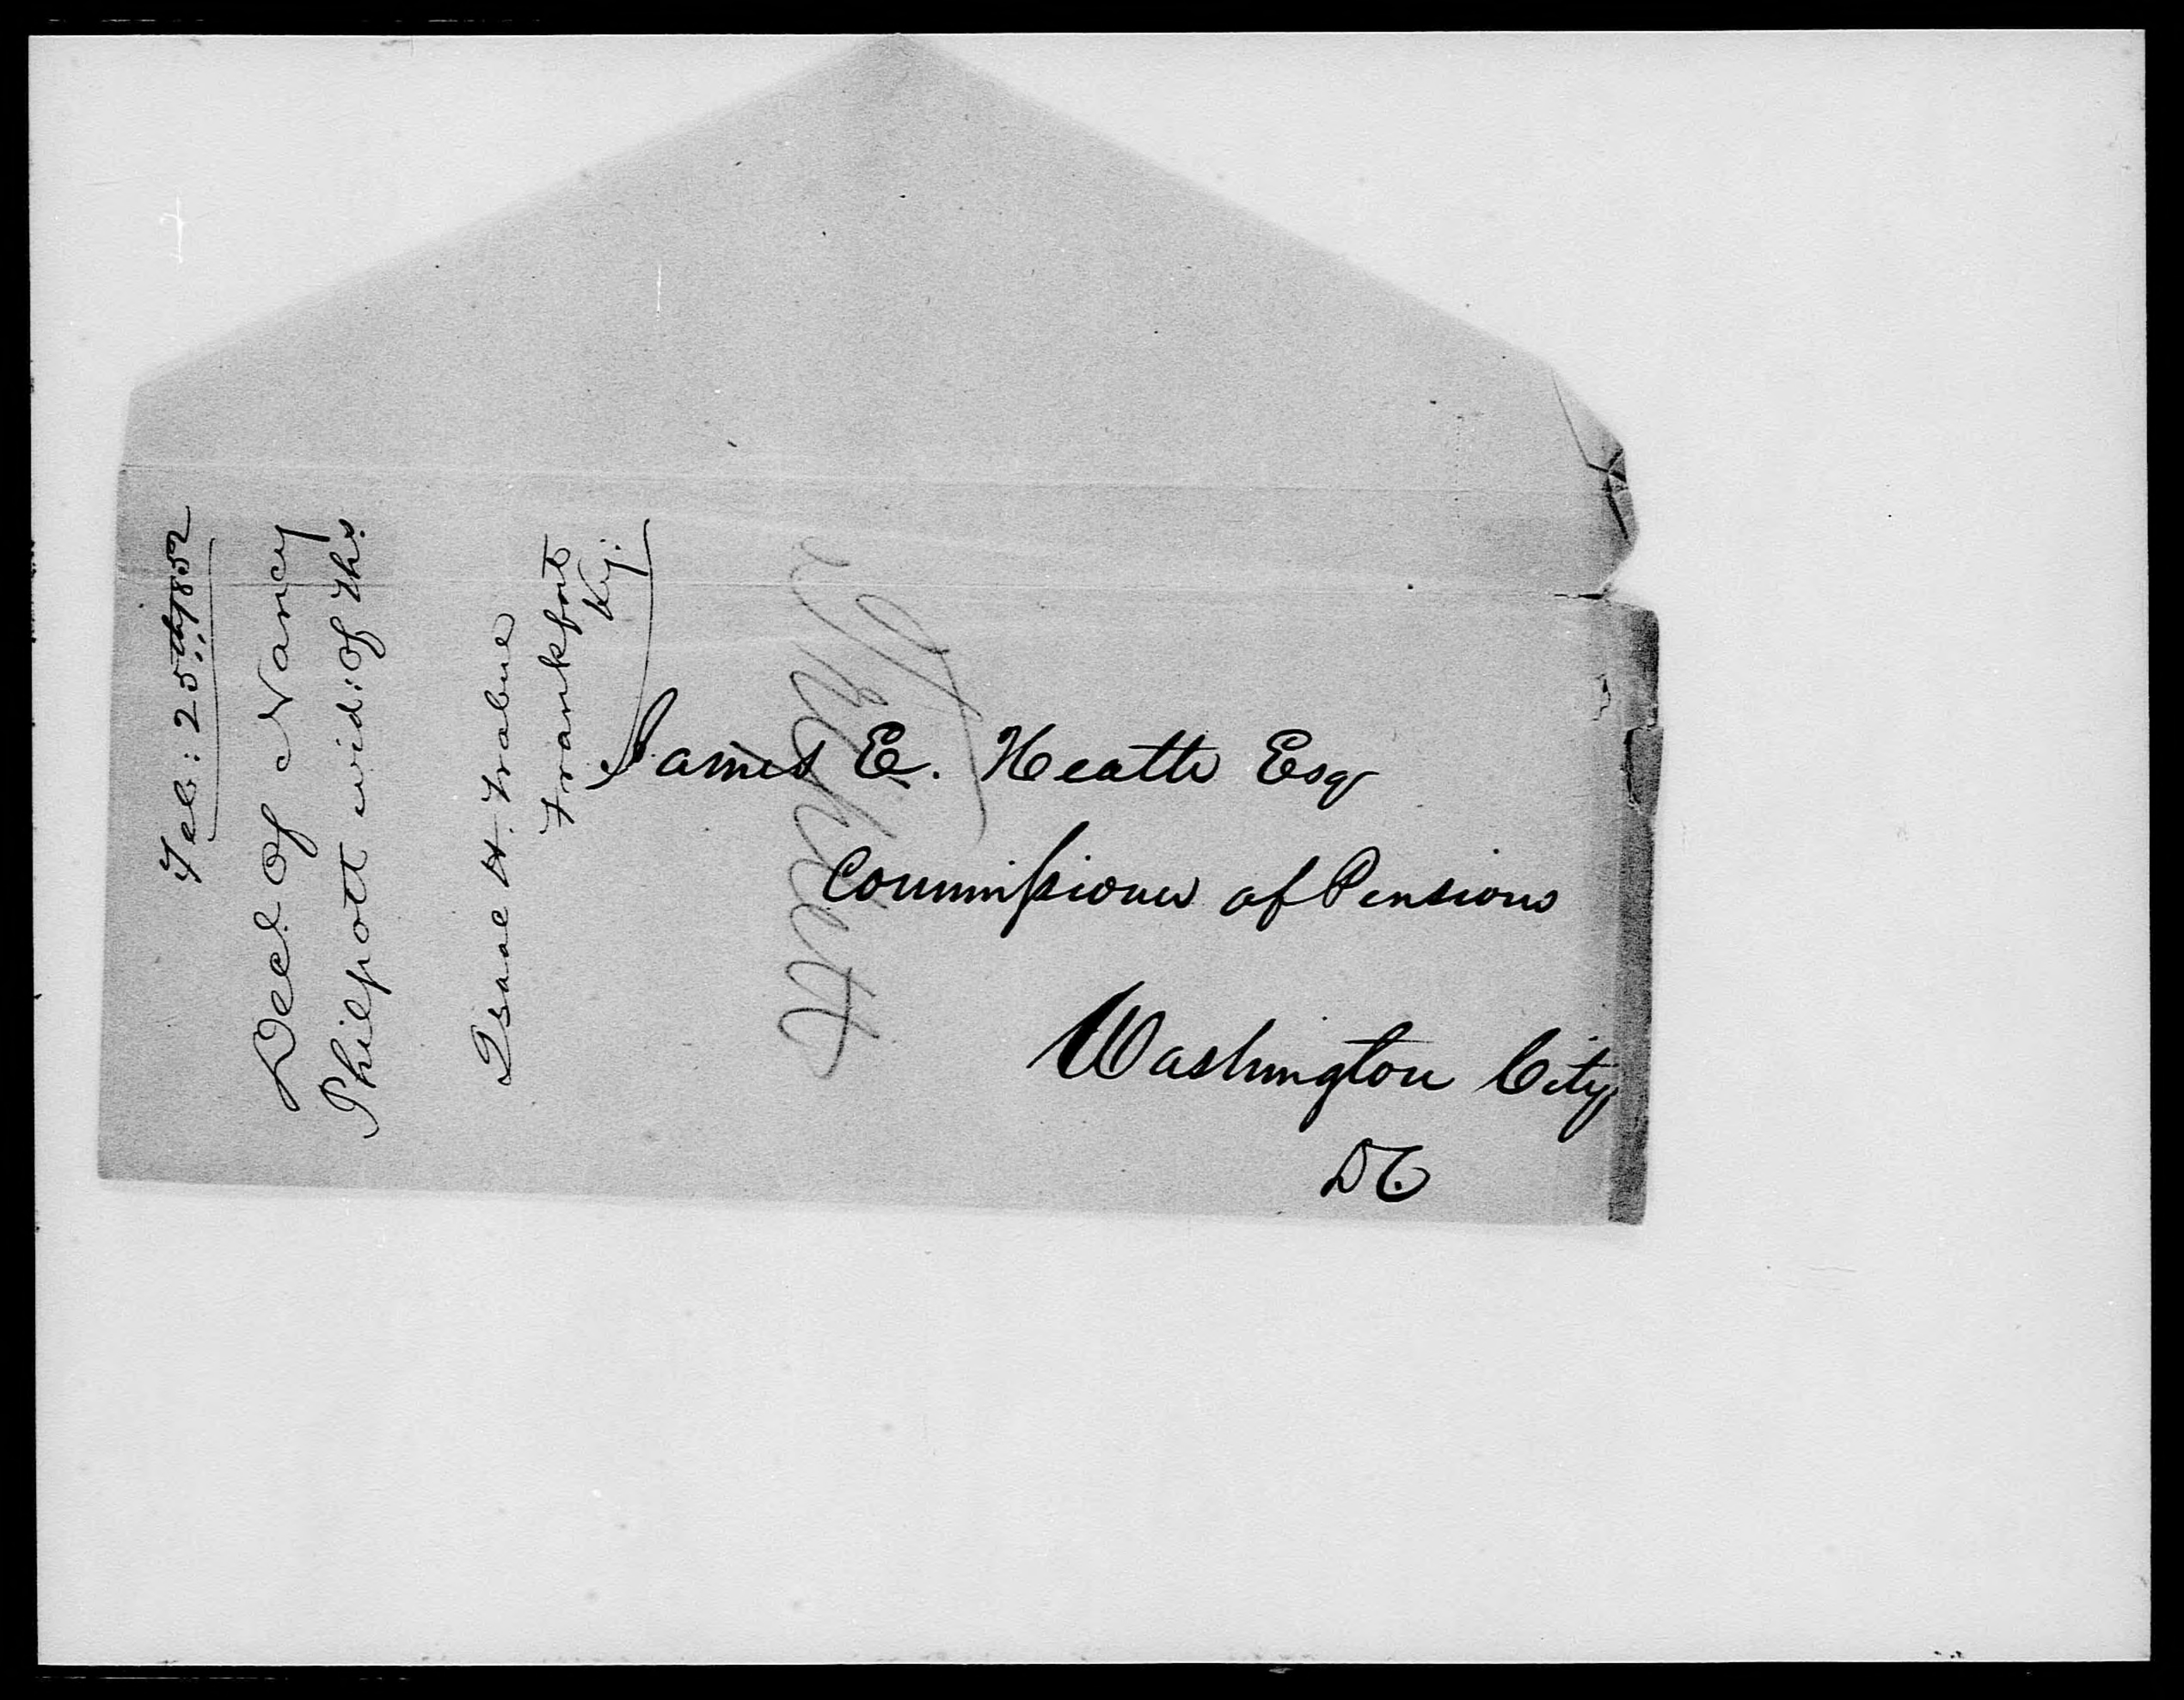James E Heath Esqr
Commissioner of Pensions
Washington City DC
Feb 20 1852
Declar of Nancy Philpott widow of Thomas
Isaac H Trabue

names: Nancy Philpott; [BLANK] Triplett; James E Heath; Ths Philpott; Isaac H Trabue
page: 15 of 43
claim: rejected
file: R. 8217, for Thomas Philpot, South Carolina